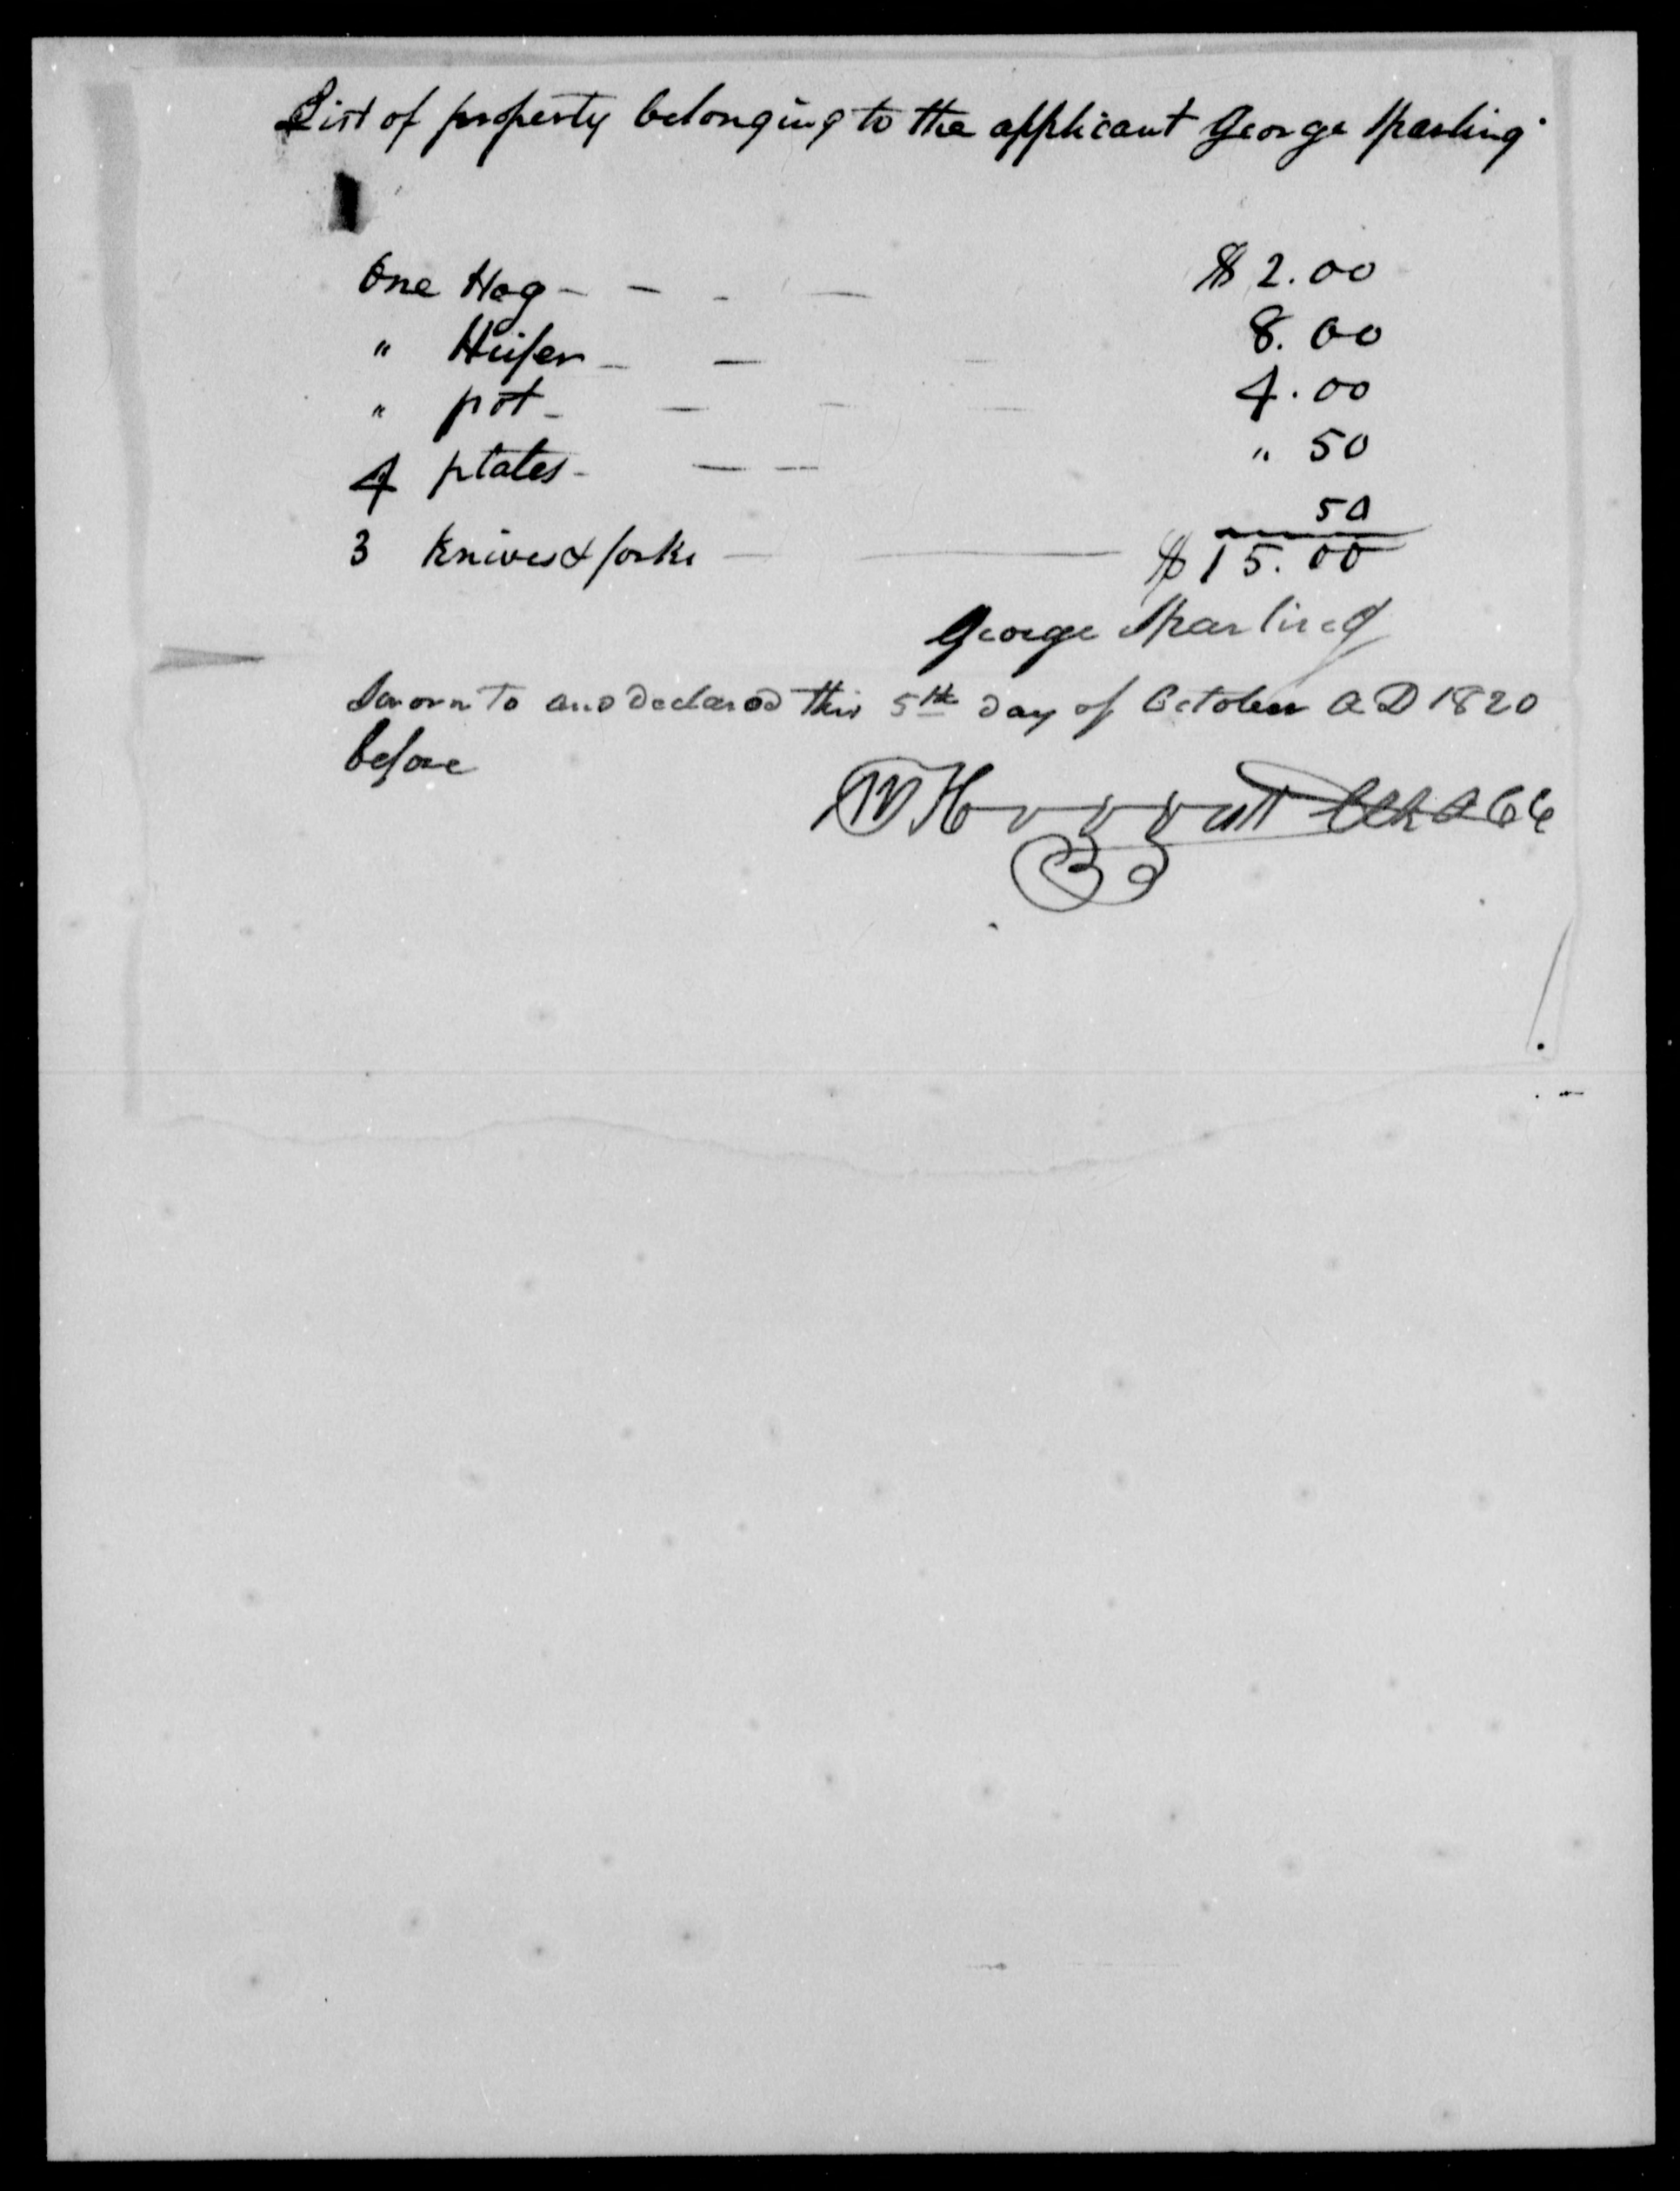List of property belonging to the applicant George Sparling
One Hof    $2.00
" Heifer    8.00
" pot         4.00
4 plates     "50
3 knives and forks  50
                               $15.00

(signature)
George Sparling
Sworn to and Declared this 5th day of October AD 1820
before
(signature)
W Hoggatt Clk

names: W Hoggatt; George Sparling; George Sparling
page: 11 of 20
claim: survivor's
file: S. 36,783, for George Sparling, New Jersey